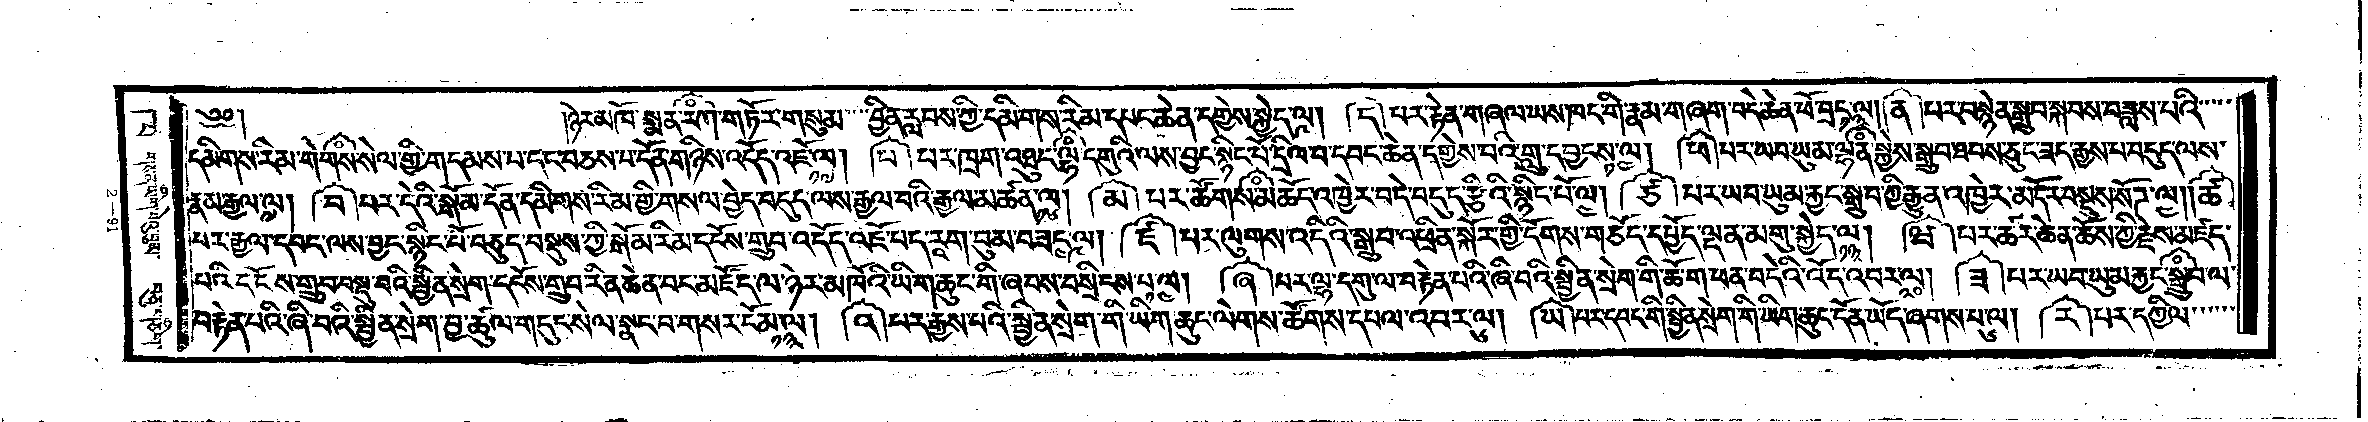༄༅། །ཉེར་མཁོ་སྨན་རཀ་གཏོར་གསུམ་བྱིན་རླབས་ཀྱི་དམིགས་རིམ་དབང་ཆེན་དགྱེས་སྐྱེད་ལ། ༼ད༽ པར་རྟེན་གཞལ་ཡས་ཁང་གི་རྣམ་གཞག་བདེ་ཆེན་ཕོ་བྲང་ལ། ༼ན༽ པར་བསྙེན་སྒྲུབ་སྐབས་བཟླས་པའི་
དམིགས་རིམ་གེགས་སེལ་གྱི་གདམས་པ་དང་བཅས་པ་དོན་གཉིས་འདོད་འཇོ་ལ། ༼པ༽ པར་ཁྲག་འཐུང་ལྷཾ་དགུའི་ལས་བྱང་སྙིང་པོ་དྲིལ་བ་དབང་ཆེན་དགྱེས་པའི་གླུ་དབྱངས་ལ། ༼ཕ༽ པར་ཡབ་ཡུམ་ལྷན་སྐྱེས་སྒྲུབ་ཐབས་ཅུང་ཟད་རྒྱས་པ་བདུད་ལས་
རྣམ་རྒྱལ་ལ། ༼བ༽ པར་དེའི་སྒོམ་དོན་དམིགས་རིམ་གྱི་གསལ་བྱེད་བདུད་ལས་རྒྱལ་བའི་རྒྱལ་མཚན་ལ། ༼མ༽ པར་ཚོགས་མཆོད་འཁྱེར་བདེ་བདུད་རྩིའི་སྙིང་པོ་ལ། ༼ཙ༽ པར་ཡབ་ཡུམ་རྐྱང་སྒྲུབ་ཀྱི་རྒྱུན་འཁྱེར་མདོར་བསྡུས་སོཌ་ལ། ༼ཚ༽
པར་རྒྱལ་དབང་ལས་བྱང་སྙིང་པོ་བཅུད་བསྡུས་ཀྱི་སྒོམ་རིམ་དངོས་གྲུབ་འདོད་འཇོ་པད་རཱག་བུམ་བཟང་ལ། ༼ཛ༽ པར་ལུགས་འདིའི་སྒྲུབ་འཕྲིན་སྐོར་གྱི་དོགས་གཅོད་དཔྱོད་ལྡན་མགུ་སྐྱེད་ལ། ༼ཝ༽ པར་ཚར་ཆེན་ཆོས་ཀྱི་རྗེས་མཛད་
པའི་དངོས་གྲུབ་བསྡུ་བའི་སྦྱིན་སྲེག་དངོས་གྲུབ་རིན་ཆེན་བང་མཛོད་ལ་ཉེར་མཁོའི་ཡིག་ཆུང་གི་ཞབས་བསྲིངས་པ་ལ། ༼ཞ༽ པར་ལྷ་དགུ་ལ་བརྟེན་པའི་ཞི་བའི་སྦྱིན་སྲེག་གི་ཆོ་ག་ཕན་བདེའི་འོད་འབར་ལ། ༼ཟ༽ པར་ཡབ་ཡུམ་རྐྱང་སྒྲུབ་ལ་
བརྟེན་པའི་ཞི་བའི་སྦྱིན་སྲེག་བྱ་ཚུལ་གདུང་སེལ་སྣང་བ་གསར་ངོམ་ལ། ༼འ༽ པར་རྒྱས་པའི་སྦྱིན་སྲེག་གི་ཡིག་ཆུང་ལེགས་ཚོགས་དཔལ་འབར་ལ། ༼ཡ༽ པར་དབང་གི་སྦྱིན་སྲེག་གི་ཡིག་ཆུང་དོན་ཡོད་ཞགས་པ་ལ། ༼ར༽ པར་དཀྱིལ་